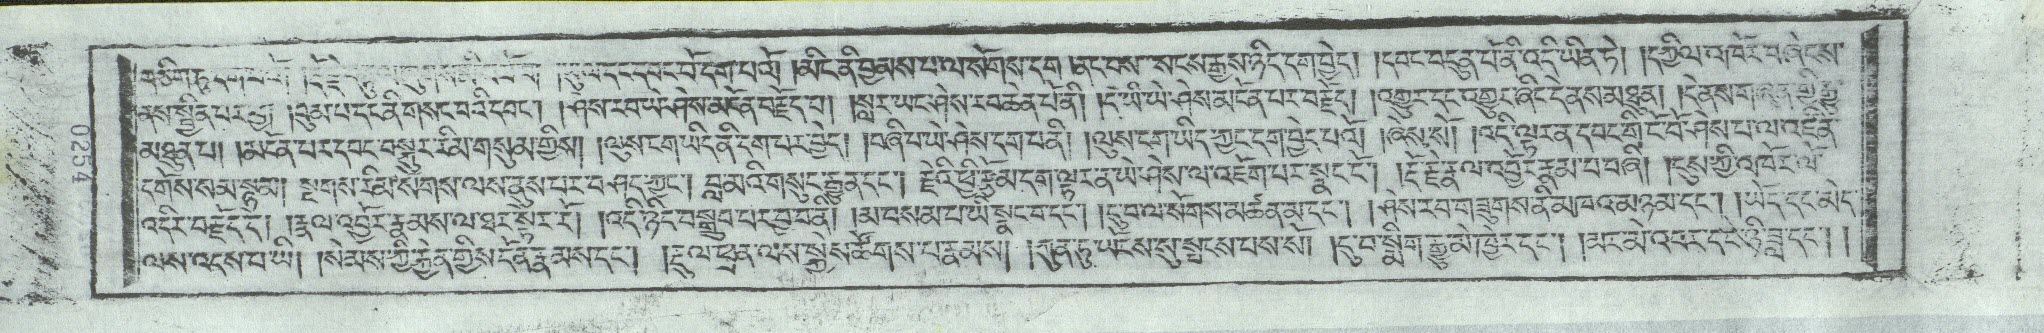གཅིག་ཏུ་དག་པའོ། །རྡོ་རྗེ་བརྟུལ་ཞུགས་མི་འཕོ་བ། །ཡུལ་དང་དབང་པོ་དག་པའོ། །མིང་ནི་བྱམས་པ་ལ་སོགས་དག །ནད་པས་སངས་རྒྱས་ཉིད་དག་བྱེད། །དབང་བདུན་པོ་ནི་འདི་ཡིན་ཏེ། །དཀྱིལ་འཁོར་བཞེངས་
ནས་སྦྱིན་པར་བྱ། །བུམ་པ་དང་ནི་གསང་བའི་དབང་། །ཤེས་རབ་ཡེ་ཤེས་མངོན་བརྗོད་པ། །སླར་ཡང་ཤེས་རབ་ཆེན་པོ་ནི། །དེ་ཡི་ཡེ་ཤེས་མངོན་པར་བརྗོད། །འགྱུར་དང་འགྱུར་ཞིང་དེ་ནས་མཐུན། །དེ་ནས་གཞན་གྱི་རྒྱུ་
མཐུན་པ། །མངོན་པར་དབང་བསྐུར་རིམ་གསུམ་གྱིས། །ལུས་ངག་ཡིད་ནི་དག་པར་བྱེད། །བཞི་པ་ཡེ་ཤེས་དག་པ་ནི། །ལུས་ངག་ཡིད་ཀྱང་དག་བྱེད་པའོ། །ཞེས་སོ། །འདི་ལྟར་ན་དབང་གི་ངོ་བོ་ཤེས་པ་ལ་འཛིན་
དགོས་སམ་སྙམ། སྔགས་རིམ་སོགས་ལས་ནུས་པར་བཤད་ཀྱང་། བླ་མའི་གསུང་རྒྱུན་དང་། རྗེའི་ཕྱི་རྩོམ་དག་ལྟར་ན་ཡེ་ཤེས་ལ་འཇོག་པར་སྣང་ངོ། །རྡོ་རྗེ་རྣལ་འབྱོར་རྣམ་པ་བཞི། །དུས་ཀྱི་འཁོར་ལོ་
འདིར་བརྗོད་དེ། །རྣལ་འབྱོར་རྣམས་ལ་ཐར་སྟེར་རོ། །འདི་ཉིད་བསྒྲུབ་པར་བྱ་བ་ནི། །མ་བསམ་པ་ཡི་སྣང་བ་དང་། །དུ་བ་ལ་སོགས་མཚན་མ་དང་། །ཤེས་རབ་གཟུགས་ནི་མཁའ་མཉམ་དང་། །ཡོད་དང་མེད་
ལས་འདས་པ་ཡི། །སེམས་ཀྱི་རྐྱེན་གྱིས་དོན་རྣམས་དང་། །རྡུལ་ཕྲན་ལས་སྐྱེས་ཚོགས་པ་རྣམས། །ཀུན་ཏུ་ཡོངས་སུ་སྤངས་པས་སོ། །དུ་བ་སྨིག་རྒྱུ་མེ་ཁྱེར་དང་། །མར་མེ་འབར་དང་ཉི་ཟླ་དང་། །